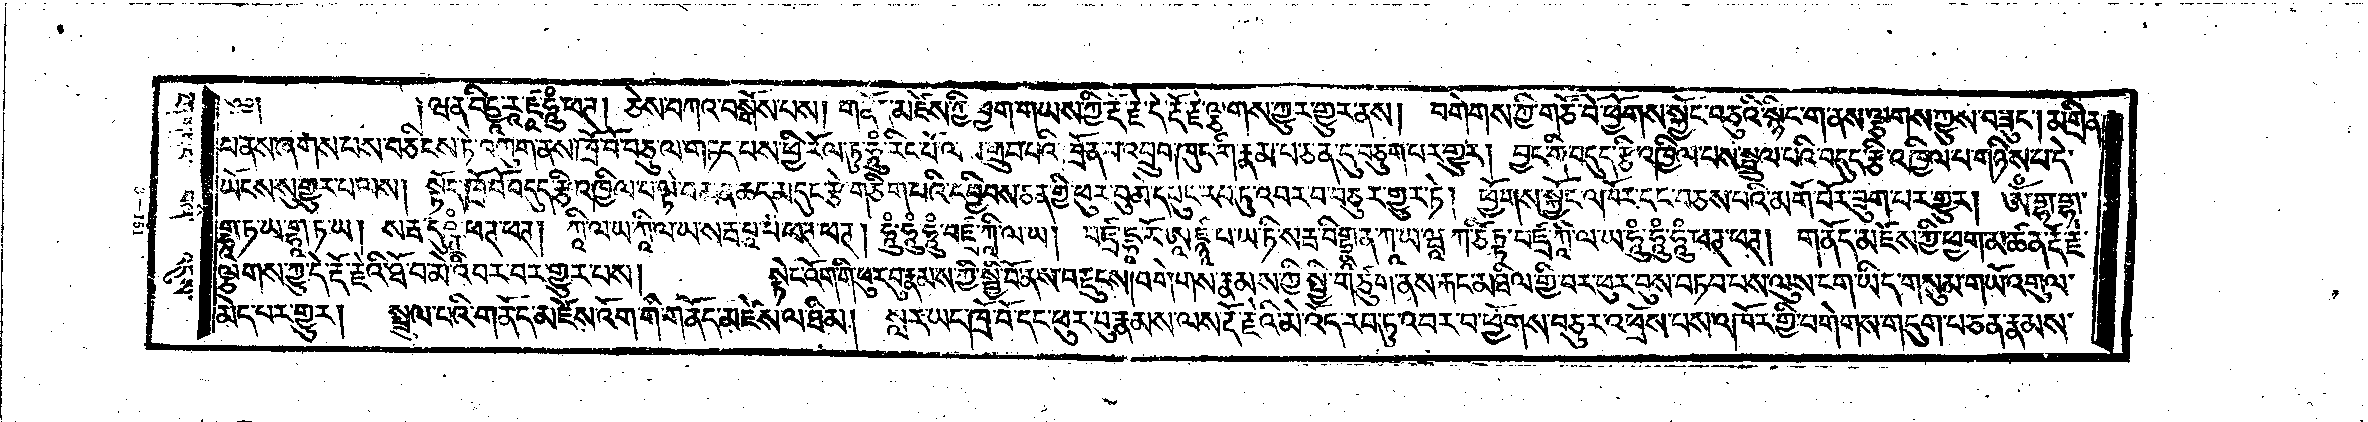༄༅། །ཝན་བིདྱཱ་རཱ་ཛཱ་ཧཱུཾ་ཕཊ། ཅེས་བཀའ་བསྒོས་པས། གནོད་མཛེས་ཀྱི་ཕྱག་གཡས་ཀྱི་རྡོ་རྗེ་དེ་རྡོ་རྗེ་ལྕགས་ཀྱུར་གྱུར་ནས། བགེགས་ཀྱི་གཙོ་བོ་ཕྱོགས་སྐྱོང་བཅུའི་སྙིང་གནས་ལྕགས་ཀྱུས་བཟུང་། མགྲིན་
པ་ནས་ཞགས་པས་བཅིངས་ཏེ་བཀུག་ནས་ཁྲོ་བོ་བཅུ་ལ་གཏད་པས་ཕྱི་རོལ་ཏུ་ཧཱུཾ་རིང་པོ་ལས་གྲུབ་པའི་ཁྲོན་པ་འབྲུག་ཁུང་གི་རྣམ་པ་ཅན་དུ་བཅུག་པར་གྱུར། བྱང་གི་བདུད་རྩི་འཁྱིལ་པས་སྤྲུལ་པའི་བདུད་རྩི་འཁྱིལ་པ་གཉིས་པ་དེ་
ཡོངས་སུ་གྱུར་པ་ལས། སྟོད་ཁྲོ་བོ་བདུད་རྩི་འཁྱིལ་པ་ལྟེ་བ་མན་ཆད་མདུང་རྩེ་གཅིག་པའི་དབྱིབས་ཅན་གྱི་ཕུར་བུ་མེ་དཔུང་རབ་ཏུ་འབར་བ་བཅུར་གྱུར་ཏེ། ཕྱོགས་སྐྱོང་འཁོར་དང་བཅས་པའི་མགོ་བོར་ཟུག་པར་གྱུར། ཨོཾ་གྷ་གྷ་
གྷཱ་ཏ་ཡ་གྷཱ་ཏ་ཡ། སརྦ་དུ་བཊཾ་ཕཊ་ཕཊ། ཀཱི་ལ་ཡ་ཀཱི་ལ་ཡ་སརྦ་པཱ་པཾ་ཕཊ་ཕཊ། ཧཱུཾ་ཧཱུཾ་ཧཱུཾ་བཛྲ་ཀཱི་ལ་ཡ། བཛྲ་དྷཾ་རོ་ཨཱ་ཛྙཱ་པ་ཡ་ཏི་སརྦ་བིགྷྣཱ་ན་ཀཱ་ཡ་ཝཱ་ཀ་ཙི་ཏྟ་བཛྲ་ཀཱི་ལ་ཡ་ཧཱུཾ་ཧཱུཾ་ཧཱུཾ་ཕཊ་ཕཊ། གནོད་མཛེས་ཀྱི་ཕྱག་མཚན་རྡོ་རྗེ་
ལྕགས་ཀྱུ་དེ་རྡོ་རྗེའི་ཐོ་བ་མེའི་བར་བར་གྱུར་པས། སྟེང་འོག་གི་ཕུར་བུ་རྣམས་ཀྱི་སྤྱི་བོ་ནས་བརྡུངས། བགེགས་རྣམས་ཀྱི་སྤྱི་གཙུག་ནས་རྐང་མཐིལ་གྱི་བར་ཕུར་བུས་བཏབ་པས་ལུས་ངག་ཡིད་གསུམ་གཡོ་འགུལ་
མེད་པར་གྱུར། སྤྲུལ་པའི་གནོད་མཛེས་འོག་གི་གནོད་མཛེས་ལ་ཐིམ། སླར་ཡང་ཁྲོ་བོ་དང་ཕུར་བུ་རྣམས་ལས་རྡོ་རྗེའི་མེ་འོད་རབ་ཏུ་འབར་བ་ཕྱོགས་བཅུར་འཕྲོས་པས་འཁོར་གྱི་བགེགས་གདུག་པ་ཅན་རྣམས་